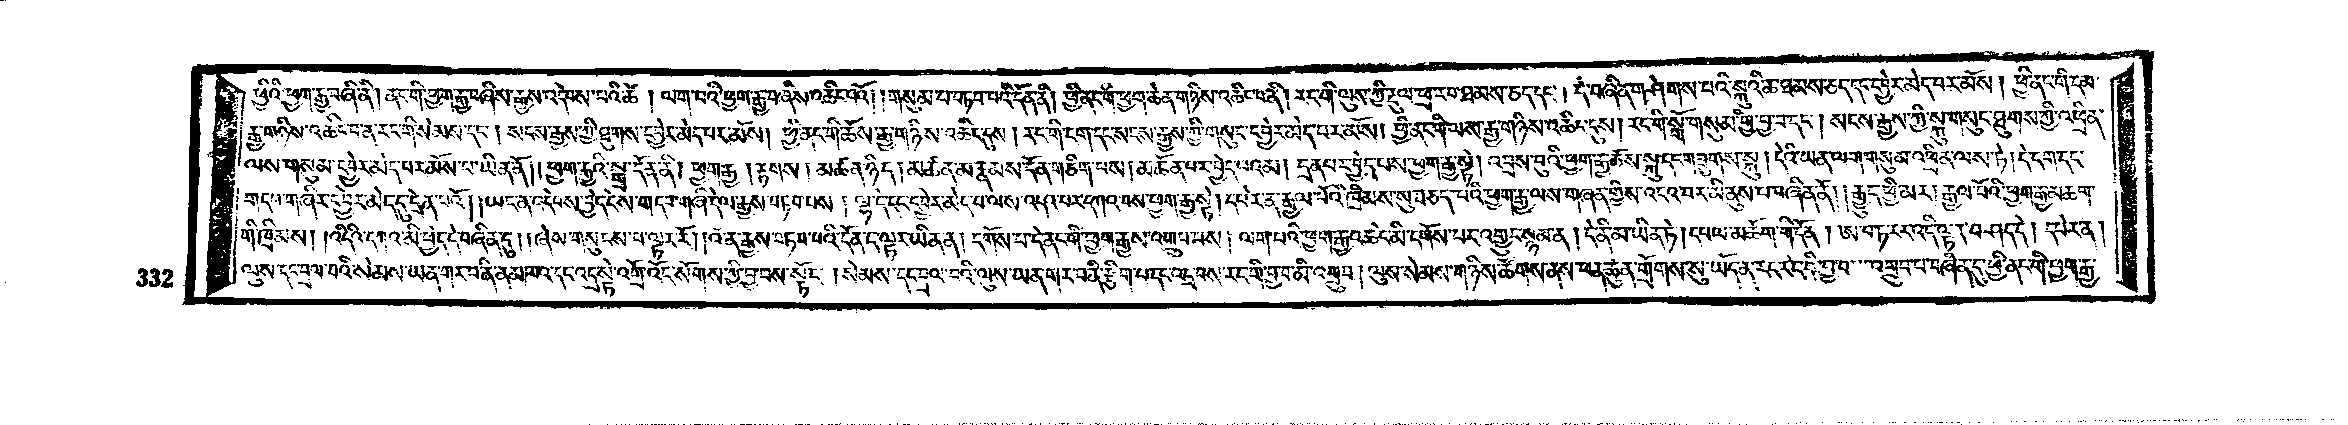ཕྱིའི་ཕྱག་རྒྱ་བཞི་ནི། ནང་གི་ཕྱག་རྒྱ་བཞིས་རྒྱས་འདེབས་པའི་ཚེ། ལག་པའི་ཕྱག་རྒྱ་བཞིས་འཆིང་བའོ། །གསུམ་པ་བཏབ་པའི་དོན་ནི། ཕྱི་ནང་གི་ཕྱག་ཆེན་གཉིས་འཆིང་བ་ནི། རང་གི་ལུས་ཀྱི་རྡུལ་ཕྲ་རབ་ཐམས་ཅད་དང་། དེ་བཞིན་གཤེགས་པའི་སྐུའི་ཆ་ཐམས་ཅད་དང་དབྱེར་མེད་པར་མོས། ཕྱི་ནང་གི་དམ་
རྒྱ་གཉིས་འཆིང་བ་ན་རང་གི་སེམས་དང་། སངས་རྒྱས་ཀྱི་ཐུགས་དབྱེར་མེད་པར་མོས། ཕྱི་ནང་གི་ཆོས་རྒྱ་གཉིས་འཆིང་དུས། རང་གི་ངག་དང་སངས་རྒྱས་ཀྱི་གསུང་དབྱེར་མེད་པར་མོས། ཕྱི་ནང་གི་ལས་རྒྱ་གཉིས་འཆིང་དུས། རང་གི་སྒོ་གསུམ་གྱི་བྱ་བ་དང་། སངས་རྒྱས་ཀྱི་སྐུ་གསུང་ཐུགས་ཀྱི་འཕྲིན་
ལས་གསུམ་དབྱེར་མེད་པར་མོས་པ་ཡིན་ནོ། །ཕྱག་རྒྱའི་སྒྲ་དོན་ནི། ཕྱག་རྒྱ། རྟགས། མཚན་ཉིད། མཚན་མ་རྣམས་དོན་གཅིག་པས། མཚོན་པར་བྱེད་པའམ། དྲན་པར་བྱེད་པས་ཕྱག་རྒྱ་སྟེ། འབྲས་བུའི་ཕྱག་རྒྱ་ཆོས་སྐུ་དང་གཟུགས་སྐུ། དེའི་ཡན་ལག་གསུམ་འཕྲིན་ལས་ཏེ། དེ་དག་དང་
གདབ་གཞིར་དབྱེར་མེད་དུ་དྲན་པའོ། །ཡང་ན་འདེབས་བྱེད་ངེས་གདབ་གཞི་དེ་ལ་རྒྱས་བཏབ་པས། ལྷ་དེ་དང་དབྱེར་མེད་པ་ལས་འདའ་བར་དཀའ་བས་ཕྱག་རྒྱ་སྟེ། དཔེར་ན་རྒྱལ་པོའི་ཁྲིམས་སུ་བཅད་པའི་ཕྱག་རྒྱ་ལས་གཞན་གྱིས་འདའ་བར་མི་ནུས་པ་བཞིན་ནོ། །རྒྱུད་ཕྱི་མར། རྒྱལ་པོའི་ཕྱག་རྒྱ་མཆོག་
གི་ཁྲིམས། །འདའ་དཀའ་མི་ཕྱེད་དེ་བཞིན་དུ། །ཞེས་གསུངས་པ་ལྟར་རོ། །འོ་ན་རྒྱས་བཏབ་པའི་དོན་ད་ལྟར་ཡིན་ན། དགོས་པ་དེ་ནང་གི་ཕྱག་རྒྱས་འགྲུབ་པས། ལག་པའི་ཕྱག་རྒྱ་འཆིང་མི་དགོས་པར་འགྱུར་སྙམ་ན། དེ་ནི་མ་ཡིན་ཏེ། དཔལ་མཆོག་གི་དོན། ཨ་བ་ཏ་རར་འདི་ལྟར་བཤད་དེ། དཔེར་ན།
ལུས་དང་བྲལ་བའི་སེམས་ཡན་གར་བ་ནི་ནམ་མཁའ་དང་འདྲ་སྟེ་འགྲོ་འོང་སོགས་ཀྱི་བྱ་བས་སྟོང་། སེམས་དང་བྲལ་བའི་ལུས་ཡན་གར་བ་ནི་རྩིག་པ་དང་འདྲ་བས་རང་གི་བྱ་བ་མི་འགྲུབ། ལུས་སེམས་གཉིས་ཚོགས་ནས་ཕན་ཚུན་གྲོགས་སུ་ཡོད་ན་རང་རང་གི་?་བྱ་བ་འགྲུབ་པ་བཞིན་དུ་ཕྱི་ནང་གི་ཕྱག་རྒྱ་